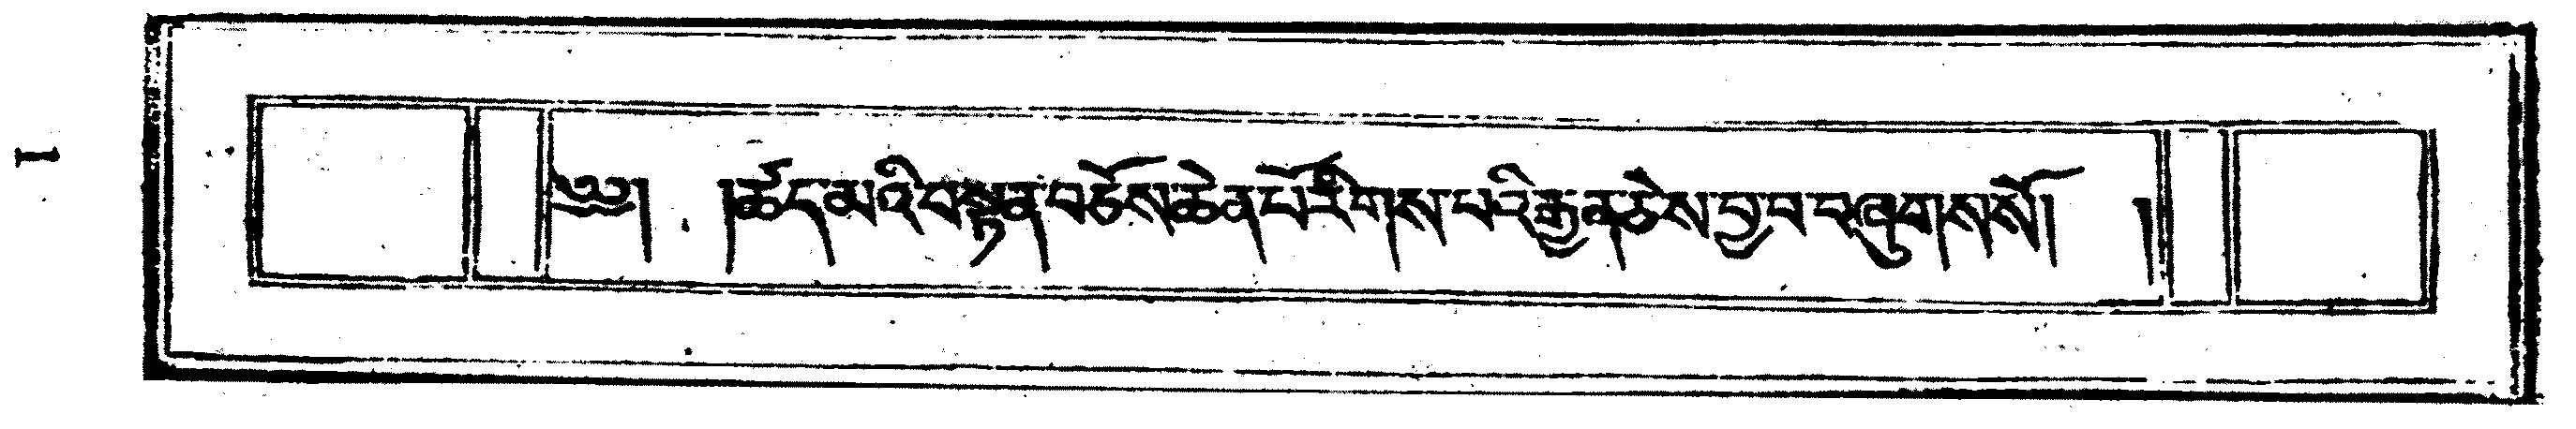༄༅། །ཚད་མའི་བསྟན་བཅོས་ཆེན་པོ་རིགས་པའི་རྒྱན་ཅེས་བྱ་བ་བཞུགས་སོ། །